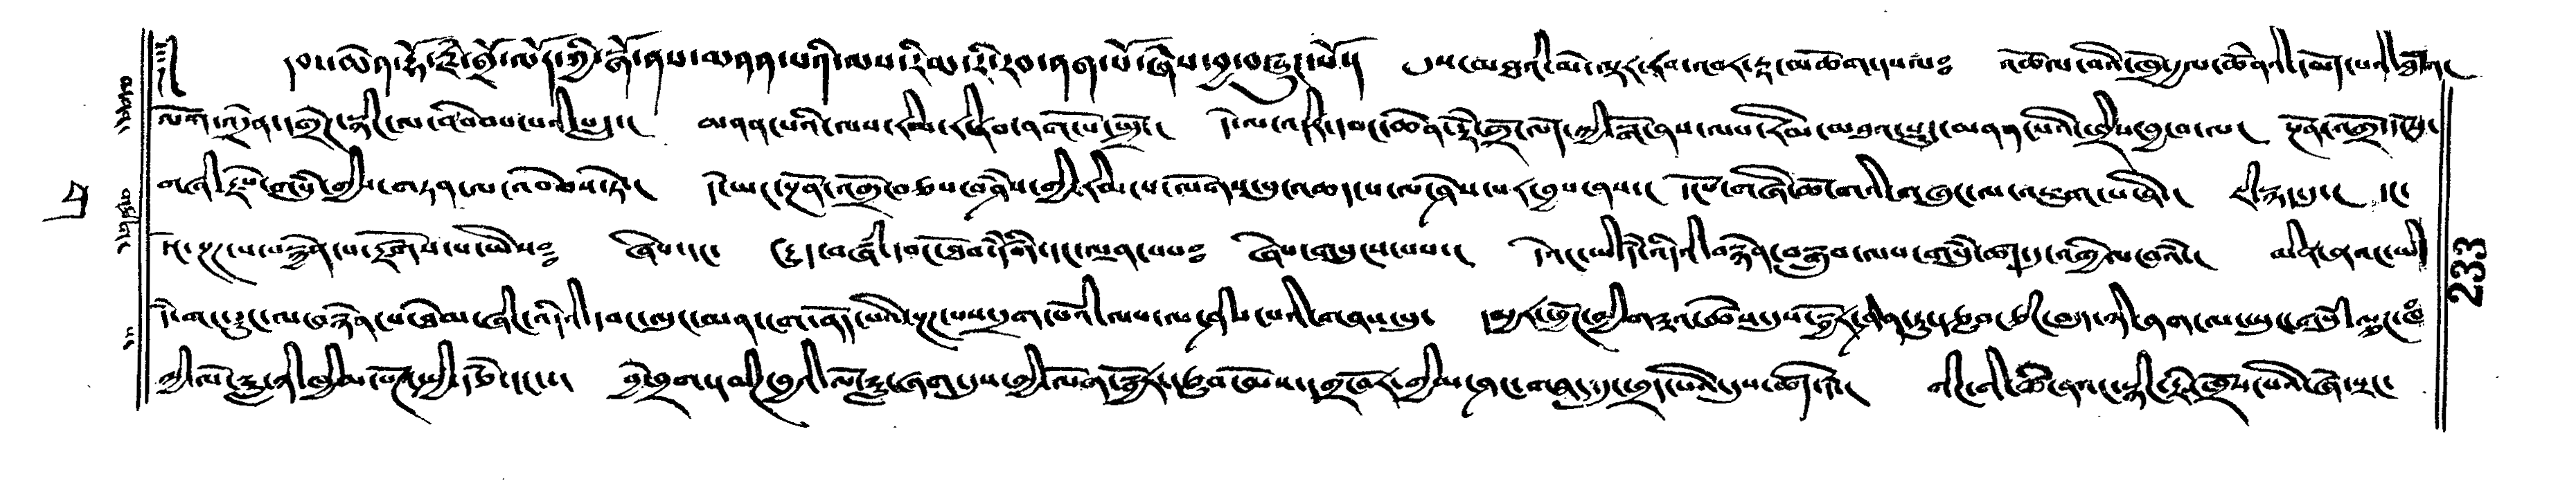དབང་ཆེན་རྡོ་རྗེ་གྲོ་ལོད་ཀྱི་སྒོ་ནས་མནན་པའི་ལས་རིམ་རི་རབ་ནག་པོ་ཞེས་བྱ་བ་བཞུགས་སོ།། དུས་མཐའི་མེ་ལྟར་རབ་འབར་རྟ་མཆོག་དཔལ། འཆོལ་བའི་ཁྲོ་རྒྱལ་ཆེན་པོའི་དམོད་པའི་ཐོག 
ལོག་འདྲེན་དགྲ་བགེགས་སྙིང་ལ་འབེབས་པའི་སླད། མནན་པའི་ལས་རིམ་རི་རབ་ནག་པོ་སྤྲོ། དེ་ལ་འདིར་དབང་ཆེན་རྡོ་རྗེ་གྲོ་ལོད་ཀྱི་སྒོ་ནས་ལས་རིམ་མཐའ་སྡུད་མནན་པའི་ཕྲིན་ལས་བྱ་བ་ལ། སྔོན་འགྲོ་དངོས་
གཞི་རྗེས་གསུམ་གྱིས་གཏན་ལ་འབེབབས་ཏེ། དེ་ཡང་སྔོན་འགྲོ་བཅའ་ཤོམ་གྱི་རིམ་པ་ལོགས་སུ་འཆད་པ་ལ་ཤེས་པར་བྱས་ནས། དངོས་གཞི་ཆོ་གའི་གཞུང་ལ་འཇུག་པ་ནི། ཇི་སྐད་དུ། དང་
པོ་སྔགས་པ་བསྐྱེད་པ་རྫོགས་པ་ཡིས༔ ཞེས་དང་། རྒྱུད་བཞིའི་དབང་ཐོབ་དམ་ཚིག་དང་ལྡན་པས༔ ཞེས་གསུངས་པས། དེའང་ཡི་དམ་འདིའི་སྙེན་སྒྲུབ་ལས་གསུམ་ཚད་དུ་འཁྱོལ་པའམ། མིན་ནའང་ཡིད་
དམ་གང་རུང་ལ་སྙེན་པ་ཐེམ་ཞིང་འདིའི་དབང་ལུང་མན་ངག་ནོད་པའི་སྔགས་པས་དྲག་པོའི་ལས་ལ་ཤིས་པའི་གནས་སུ་དམར་ཕྱོགས་ཀྱི་གཟའ་ཚེས་དུས་སྦྱོར་ཤིན་ཏུ་རྩུབ་ཅིང་བདུད་ཉི་ནག་ལ་ཡུང་གསུམ་ལྕག་ཁམས་
ཀྱི་ལོ་ཟླ་ཉི་ཁྱིམ་སོགས་སྤྱི་དང་བྱེ་བྲག་དམིགས་བྱའི་ལོ་ཟླ་ཞག་དུས་ཀྱི་ལོག་སྦྱོར་རྩུབ་མོས་དགྲ་བོར་གྱིམ་ཤང་གནད་དུ་ཕྲད་པའི་དུས་ཚོད་དེ། གང་གི་ཚེ་ནའང་སྙིང་རྗེ་ཁྲོས་པའི་ཞེ་སྡང་